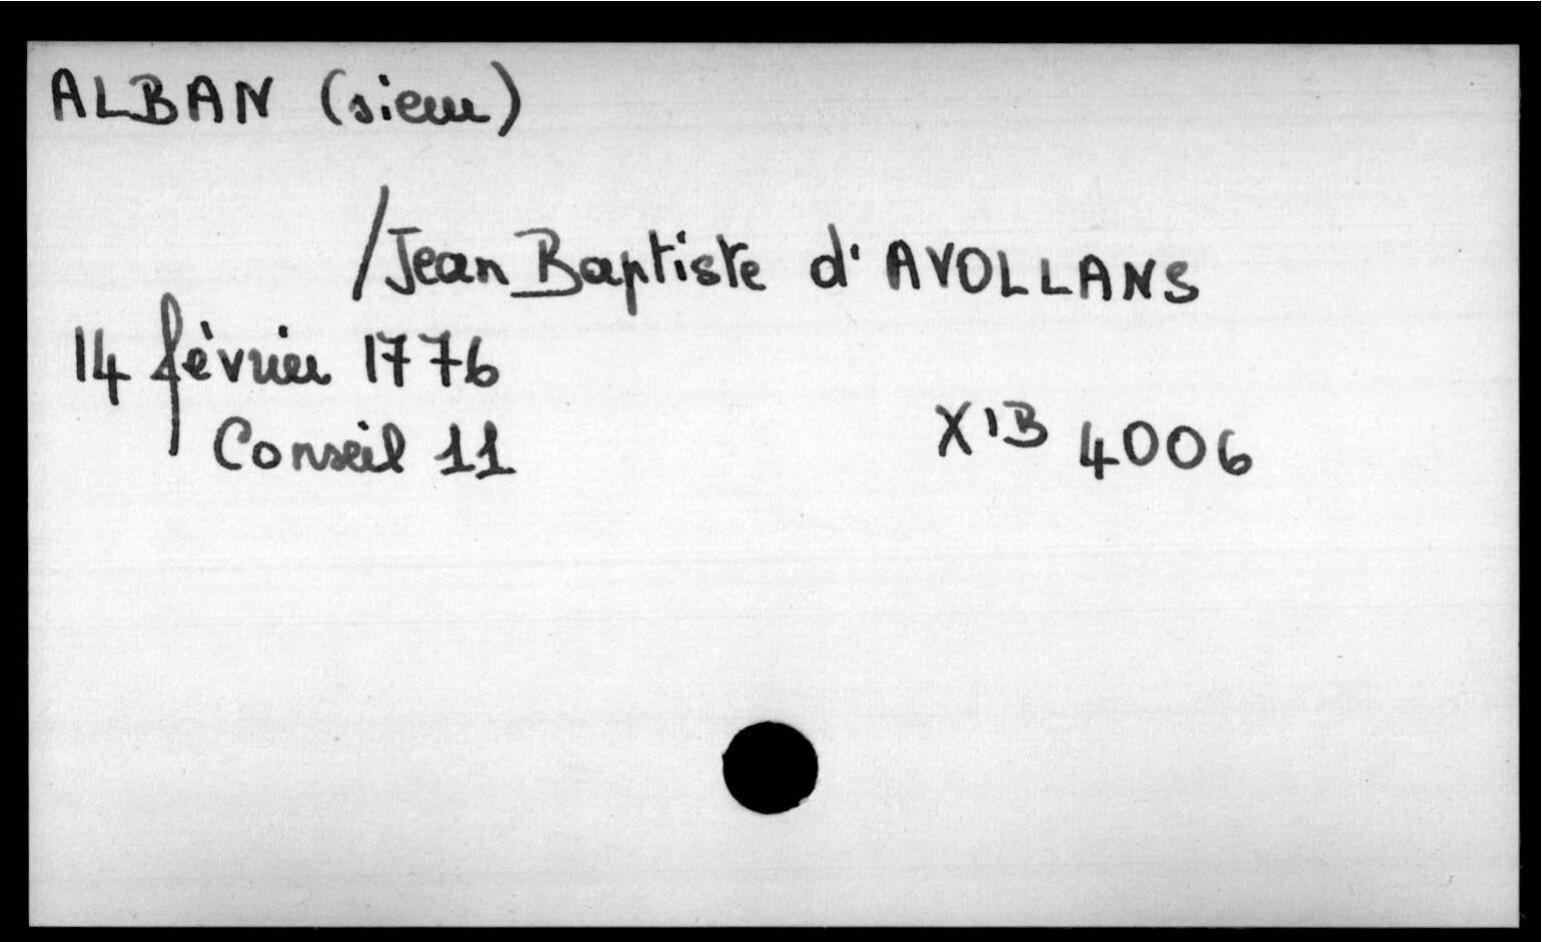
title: ALBAN (sieur)
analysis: Contre Jean-Baptiste d'AVOLLANS
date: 14 février 1776
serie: X1B
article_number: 4006
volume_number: Conseil, 11
